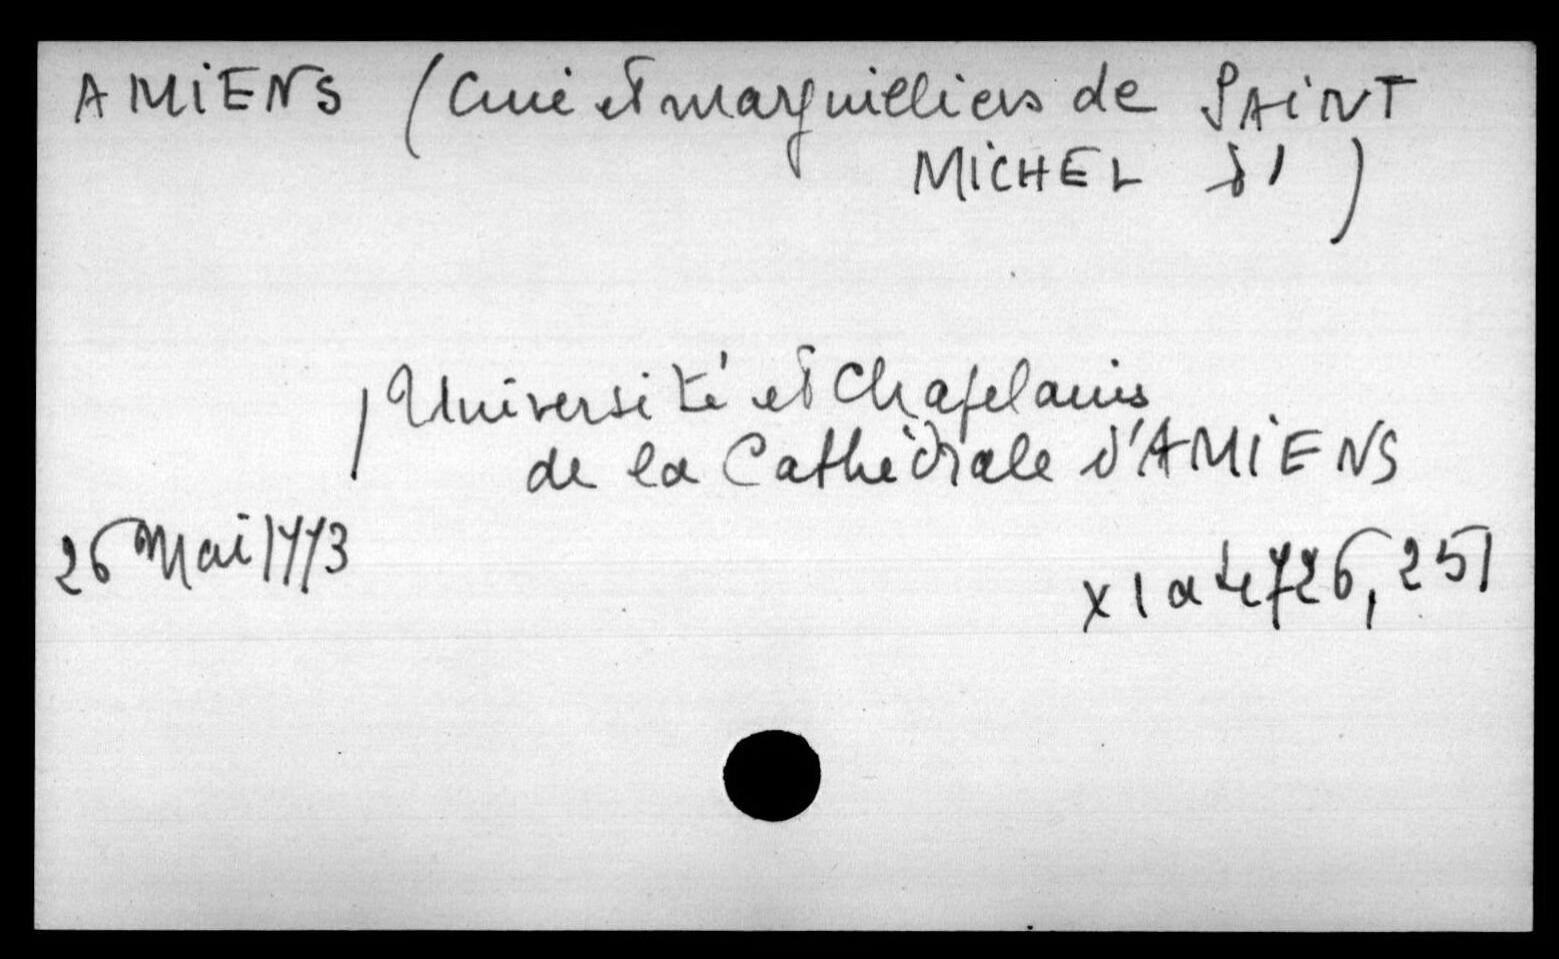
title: AMIENS (curé et marguilliers de SAINT MICHEL d')
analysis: Contre Université et chapelains de la Cathédrale d'AMIENS
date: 26 mai 1773
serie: X1a
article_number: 4726
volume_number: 251
